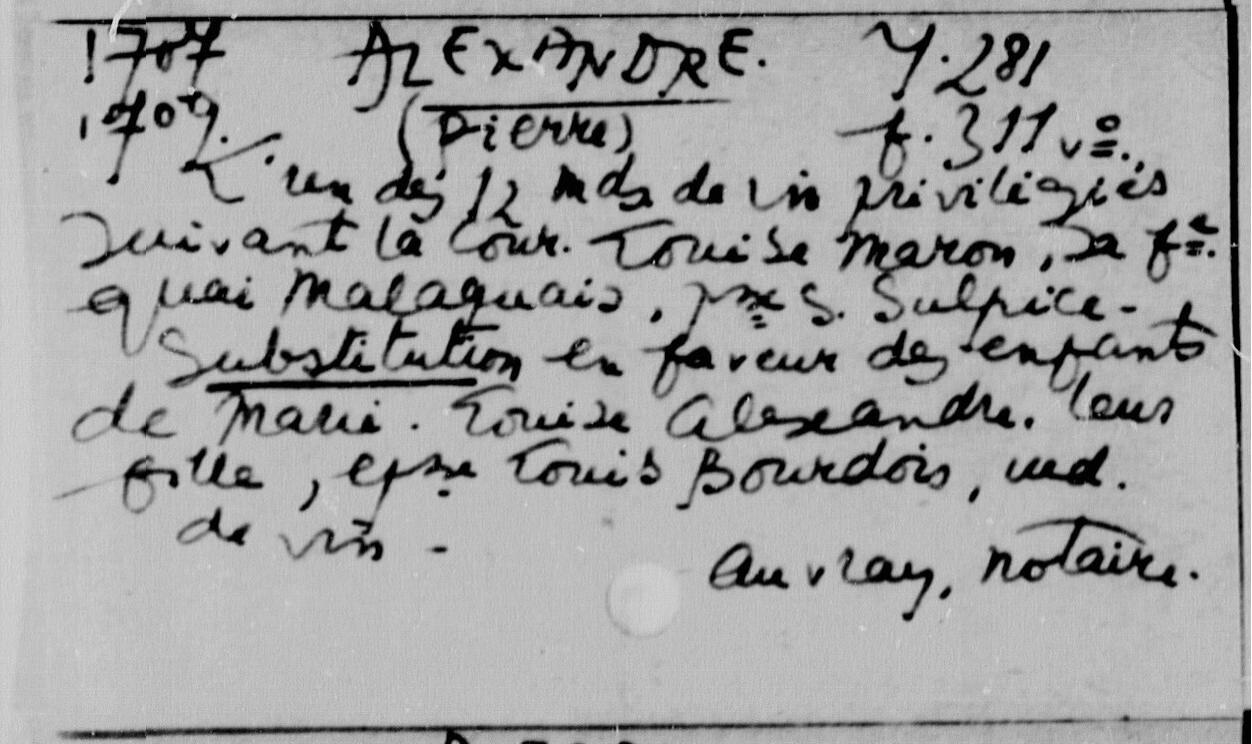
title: ALEXANDRE (Pierre)
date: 1707-1709
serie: Y
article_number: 281
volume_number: folio 311 verso
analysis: L'un des 12 marchands de vin privilégiés suivant la Cour. Louise Maron, sa femme. Quai Malaquais, paroisse Saint Sulpice. Substitution en faveur des enfants de Marie Louise Alexandre, leur fille, épouse Louis Bourdois, marchand de vin. Auvray, notaire.
